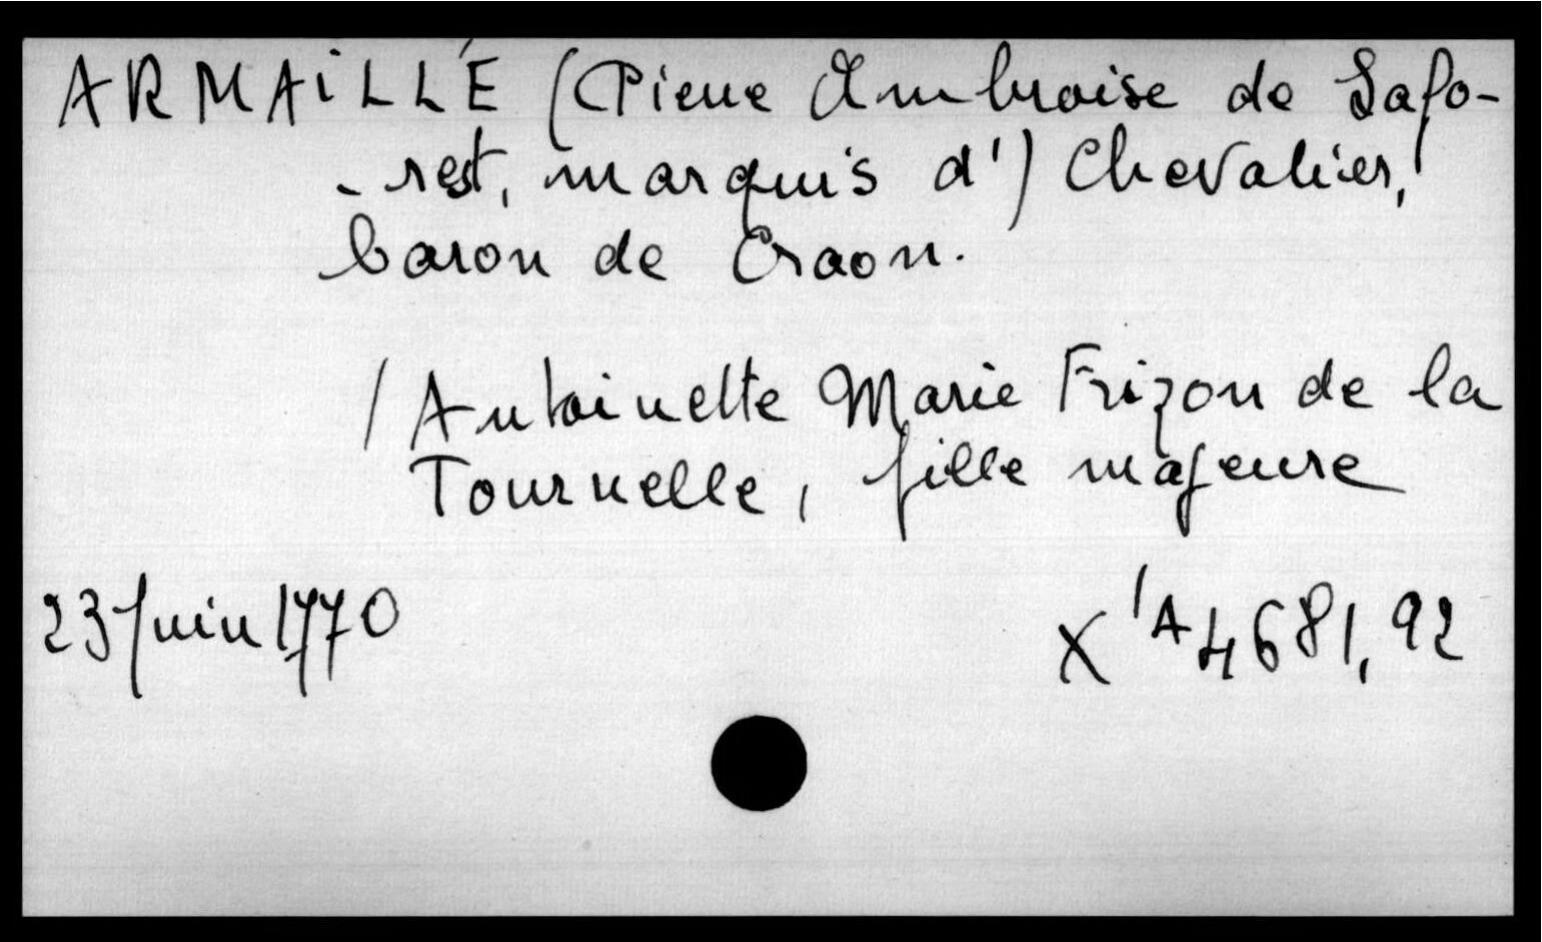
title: ARMAILLÉ (Pierre Ambroise de Laforest, marquis d') Chevalier, baron de Craon.
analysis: Contre Antoinette Marie Frizon de la Tournelle) fille majeure
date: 23 juin 1770
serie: X1A
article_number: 4681
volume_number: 92
